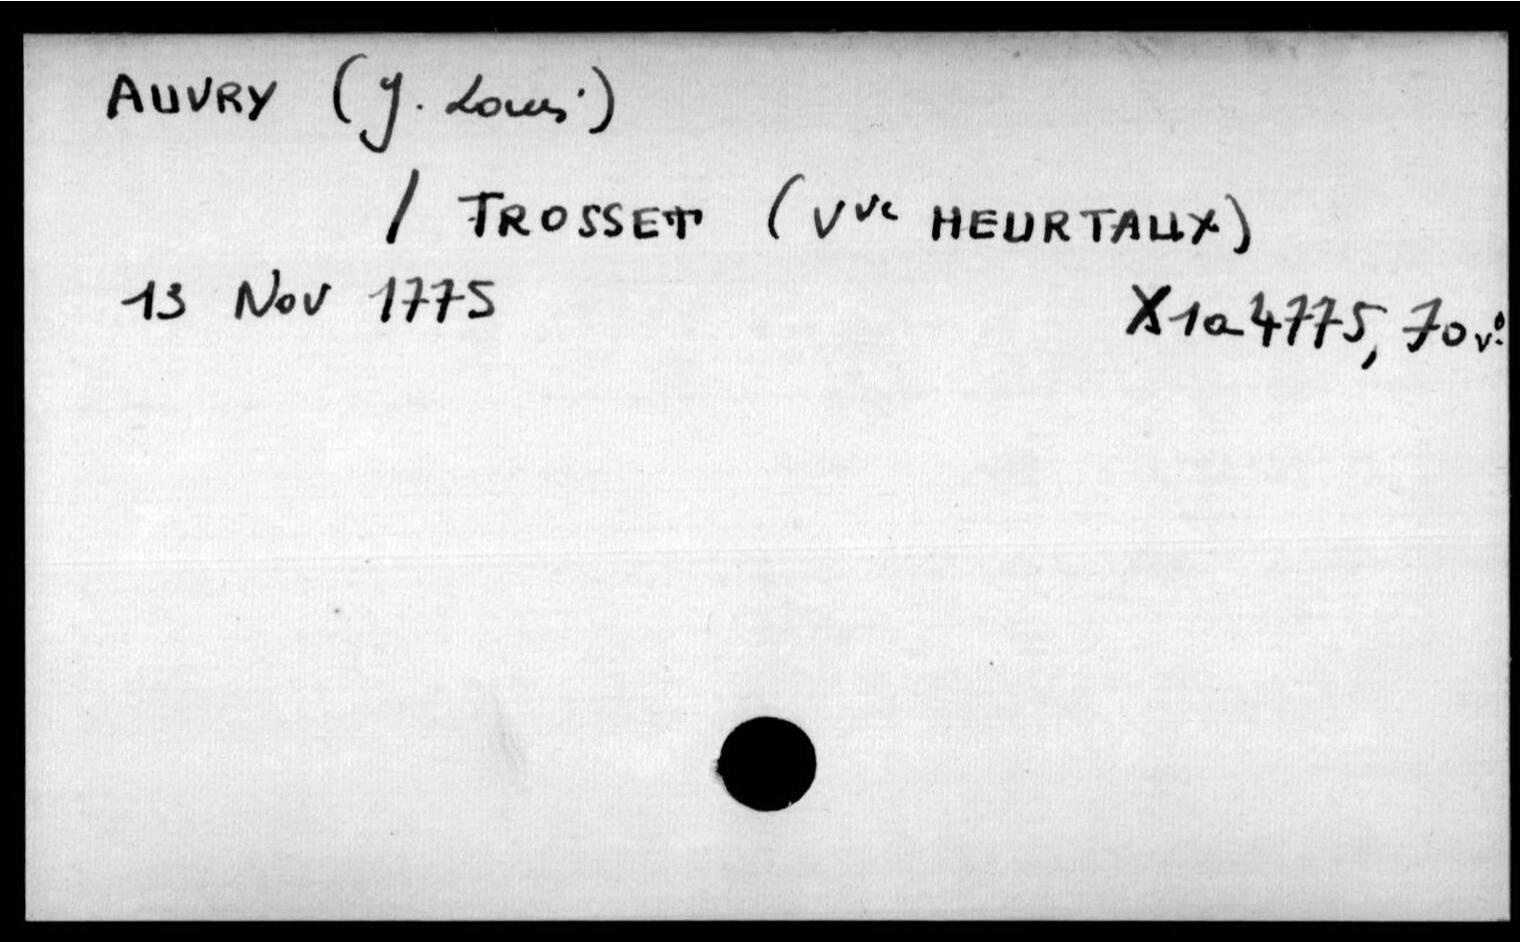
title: AUVRY (Jean-Louis)
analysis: Contre Trosset (Veuve HEURTAUX)
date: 13 novembre 1775
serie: X1a
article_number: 4775
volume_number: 70v
